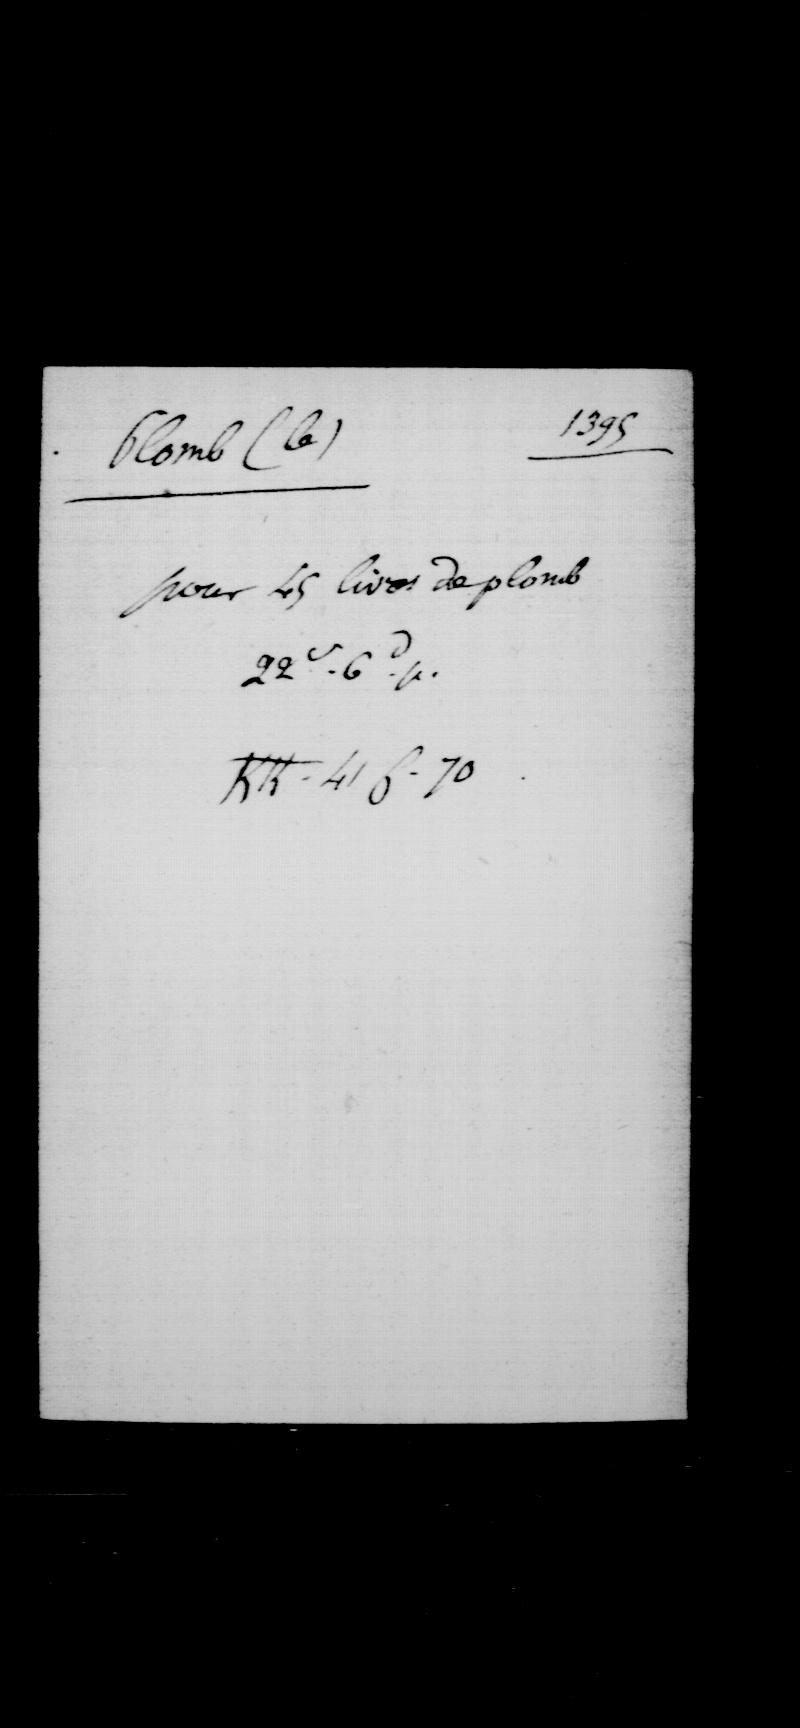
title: Plomb (le)
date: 1395
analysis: pour 45 livres de plomb 22 l. 6 d. p.
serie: KK
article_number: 41
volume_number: fol. 70
